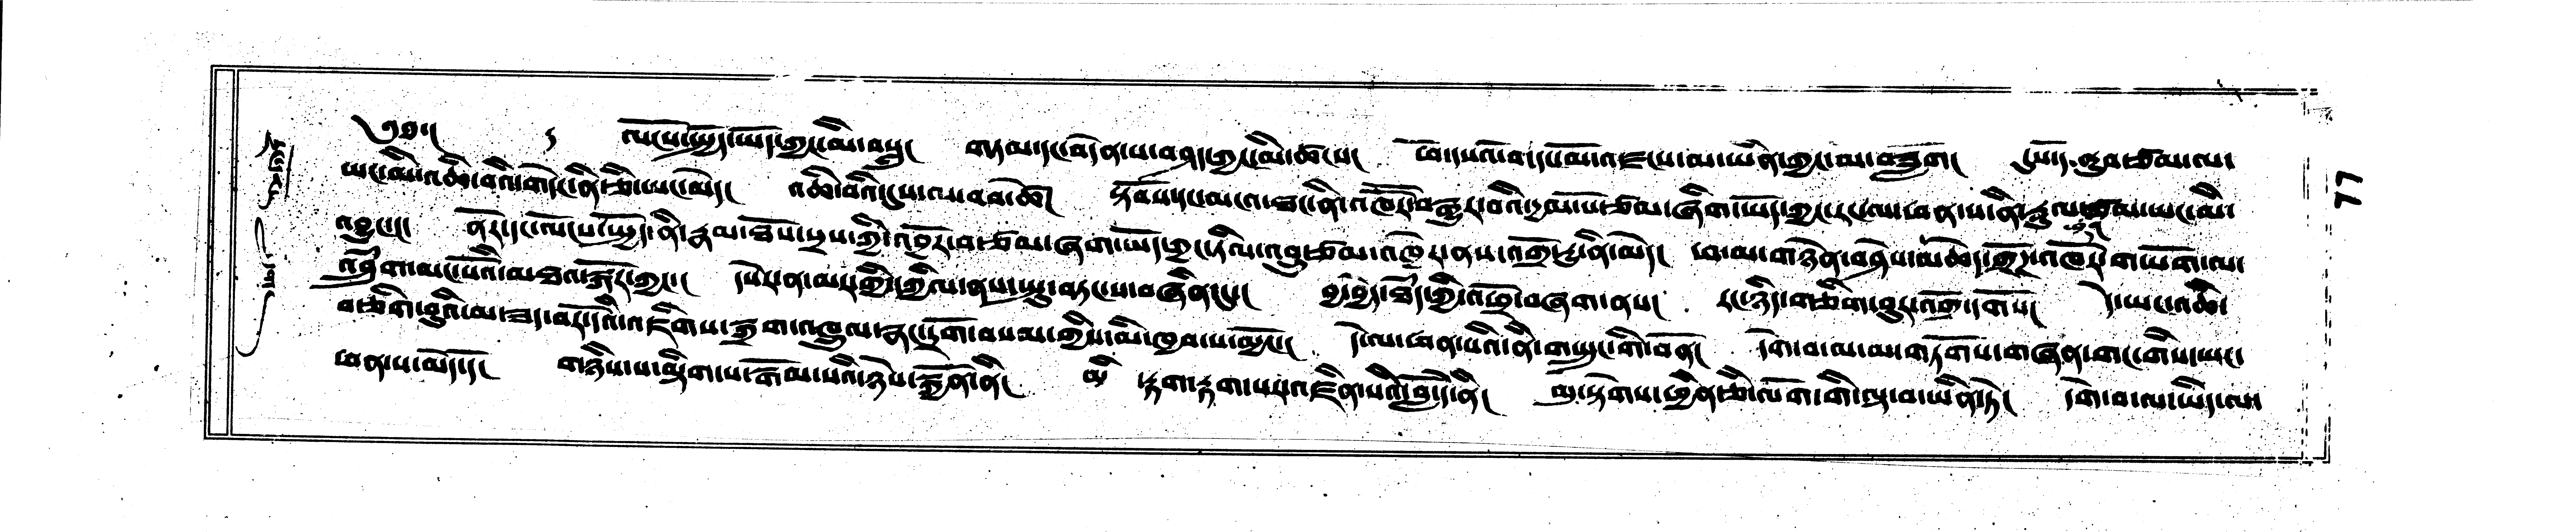ལོངས་སྤྱོད་ཡོད་ཀྱང་མི་བསླུ། གཏམ་དང་བདེན་པ་བཤད་ཀྱང་མི་ཚངས། ཕོ་དཔའ་བོ་དང་མོ་འཛངས་མ་ཡིན་ཀྱང་མ་བཟློག དུས་དོ་ནུབ་ཙམ་ལ་
ཡང་མི་འཆི་བའི་གདེང་ནི་ཅི་ཡང་མེད། འཆི་བའི་དུས་ལ་བབས་ཚེ། སྟོབས་དང་མངའ་ཐང་ནི་འཁོར་ལོ་བསྒྱུར་བའི་རྒྱལ་པོ་ཙམ་ཞིག་ཡོད་ཀྱང་རང་ལ་ཕན་པ་ནི་རྡུལ་ཕྲན་ཙམ་ཡང་མི་
འབྱུང་། ནོར་དང་ལོངས་སྤྱོད་ནི་རྣམ་ཐོས་སྲས་ཀྱི་འབྱོར་བ་ཙམ་ཞིག་ཡོད་ཀྱང་ཏིལ་འབྲུ་ཙམ་འཁྱེར་ནས་འགྲོ་རྒྱུ་ནི་མེད། ཕ་མ་གཉེན་བཤེས་མཆེད་གྲོགས་འཁོར་གཡོག་ལ་
སོགས་འབུམ་ཕྲག་མང་པོའི་མཐའ་བསྐོར་ཀྱང་། དཔེར་ན་མར་གྱི་དཀྱིལ་ན་སྤུ་བཏོན་པ་བཞིན་དུ། བྱ་བྱེད་ཐམས་ཅད་ཀྱི་འཕྲོ་བཞག་ནས། རང་ཉིད་གཅིག་པུར་འགྲོ་དགོས། དེ་ཡང་འཆི་
བ་གཅིག་པུས་མ་ཟད་བར་དོའི་འཇིགས་སྐྲག་འཁྲུལ་སྣང་དྲག་པོ་བསམ་གྱིས་མི་ཁྱབ་པ་མྱོང་། དེ་ལ་ཕན་པ་ནི་གཡུང་དྲུང་གི་བོན། དགེ་བ་མ་གཏོགས་གཞན་གང་གིས་
ཕན་པ་མེད་དོ། །གཉིས་པ་མི་རྟག་པ་མ་བསྒོམས་པའི་ཉེས་སྐྱོན་ནི། མི་རྟག་རྟག་པར་འཛིན་པའི་བློ་དེ་ནི། མུ་སྟེགས་ཕྱིན་ཅི་ལོག་གི་ལྟ་བ་ཡིན་ཏེ། དགེ་བ་ལ་ཡིད་ལ་